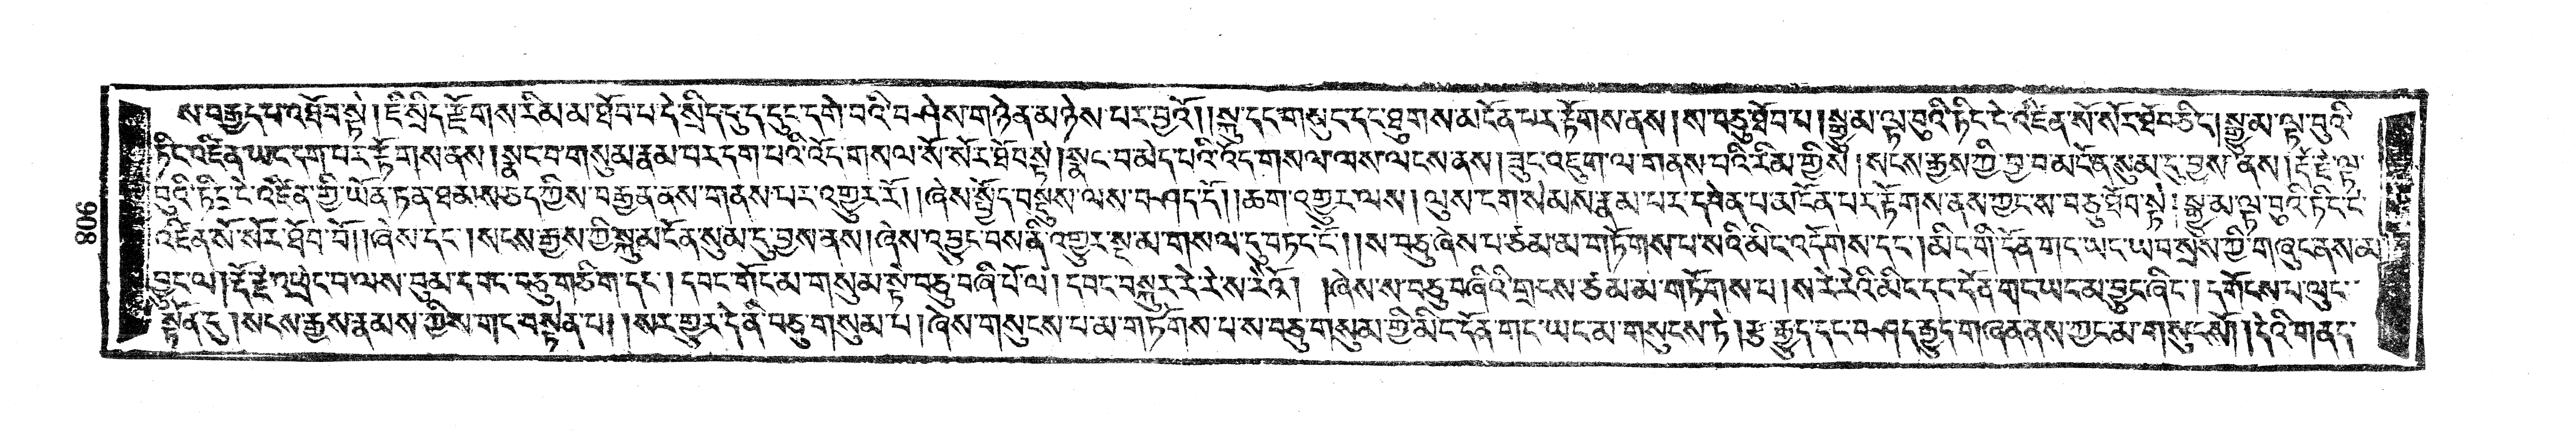ས་བརྒྱད་པ་འཐོབ་སྟེ། ཇི་སྲིད་རྫོགས་རིམ་མ་ཐོབ་པ་དེ་སྲེད་དུ་ད་དུང་དགེ་བའི་བཤེས་གཉེན་མཉེས་པར་བྱའོ། །སྐུ་དང་གསུང་དང་ཐུགས་མངོན་པར་རྟོགས་ནས། ས་བཅུ་ཐོབ་པ། སྒྱུ་མ་ལྟ་བུའི་ཏིང་ངེ་འཛིན་སོ་སོར་ཐོབ་ཅིང་། སྒྱུ་མ་ལྟ་བུའི་
ཏིང་འཛིན་ཡང་དག་པར་རྟོགས་ནས། སྣང་བ་གསུམ་རྣམ་པར་དག་པའི་འོད་གསལ་སོ་སོར་ཐོབ་སྟེ། སྣང་བ་མེད་པའི་འོད་གསལ་ལས་ལངས་ནས། ཟུང་འཇུག་ལ་གནས་པའི་རིམ་གྱིས། སངས་རྒྱས་ཀྱི་བྱ་བ་མངོན་སུམ་དུ་བྱས་ནས། རྡོ་རྗེ་ལྟ་
བུའི་ཏིང་ངེ་འཛིན་གྱི་ཡོན་ཏན་ཐམས་ཅད་ཀྱིས་བརྒྱན་ནས་གནས་པར་འགྱུར་རོ། །ཞེས་སྤྱོད་བསྡུས་ལས་བཤད་དོ། །ཆག་འགྱུར་ལས། ལུས་ངག་སེམས་རྣམ་པར་དབེན་པ་མངོན་པར་རྟོགས་ནས་ཀྱང་ས་བཅུ་ཐོབ་སྟེ། སྒྱུ་མ་ལྟ་བུའི་ཏིང་ངེ་
འཛིན་སོ་སོར་ཐོབ་བོ། །ཞེས་དང་། སངས་རྒྱས་ཀྱི་སྐུ་མངོན་སུམ་དུ་བྱས་ནས། ཞེས་འབྱུང་བས་ནི་འགྱུར་སྔ་མ་གསལ་དུ་བཏང་ངོ། །ས་བཅུ་ཞེས་པ་ཙམ་མ་གཏོགས་པ་སའི་མིང་འདོགས་དང་། མིང་གི་དོན་གང་ཡང་ཡབ་སྲས་ཀྱི་གཞུང་ནས་མ་
བྱུང་ལ། རྡོ་རྗེ་འཕྲེང་བ་ལས་བུམ་དབང་བཅུ་གཅིག་དང་། དབང་གོང་མ་གསུམ་སྟེ་བཅུ་བཞི་པོ་ལ། དབང་བསྐུར་རེ་རེ་ས་རེའོ། །ཞེས་ས་བཅུ་བཞིའི་གྲངས་ཙམ་མ་གཏོགས་པ། ས་རེ་རེའི་མིང་དང་དོན་གང་ཡང་མ་བྱུང་ཞིང་། དགོངས་པ་ལུང་
སྟོན་དུ། སངས་རྒྱས་རྣམས་ཀྱིས་གང་བསྟེན་པ། །སར་གྱུར་དེ་ནི་བཅུ་གསུམ་པ། ཞེས་གསུངས་པ་མ་གཏོགས་པ་ས་བཅུ་གསུམ་གྱི་མིང་དོན་གང་ཡང་མ་གསུངས་ཏེ། རྩ་རྒྱུད་དང་བཤད་རྒྱུད་གཞན་ནས་ཀྱང་མ་གསུངས་སོ། །དེའི་གནད་